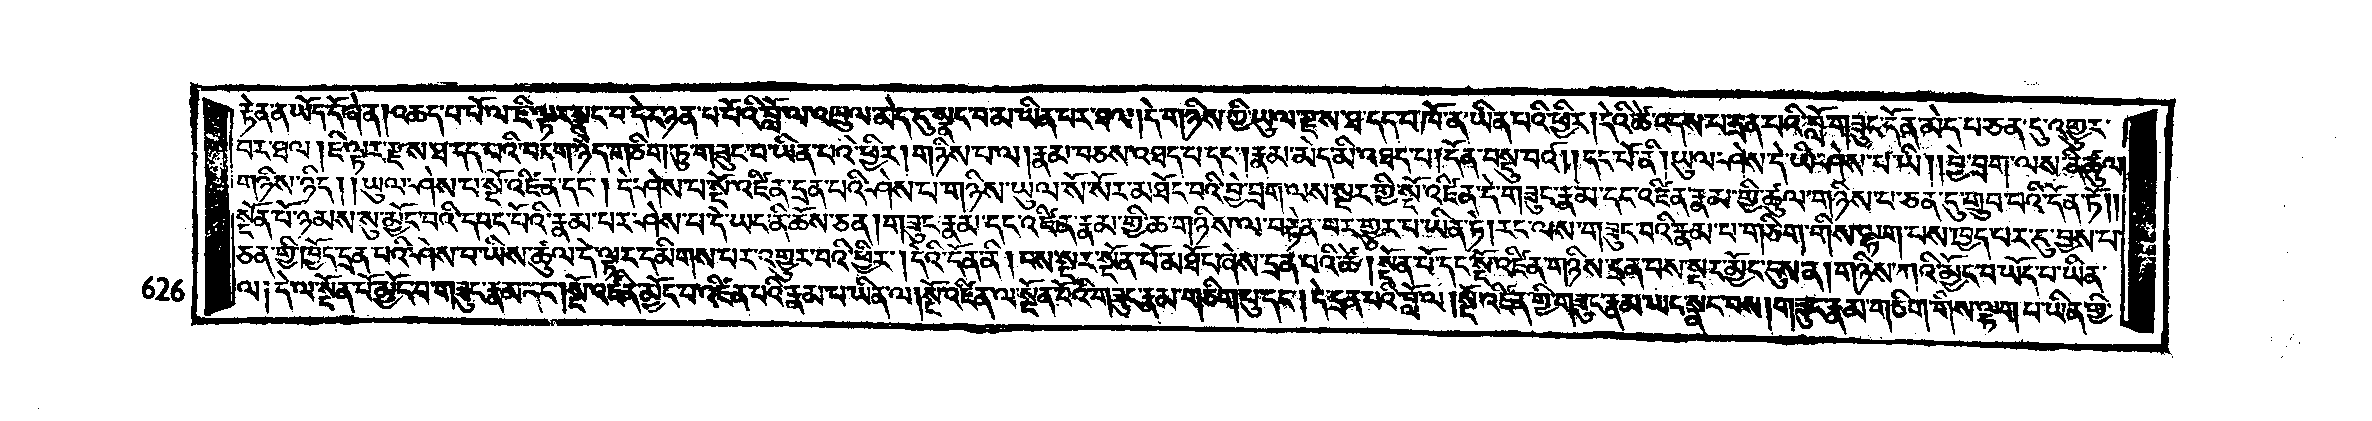རྟེན་ན་ཡོད་དོ་ཞེ་ན། འཆད་པ་པོ་ལ་ཇི་ལྟར་སྣང་བ་དེར་ཉན་པ་པོའི་བློ་ལ་འཁྲུལ་མེད་དུ་སྣང་བ་མ་ཡིན་པར་ཐལ། དེ་གཉིས་ཀྱི་ཡུལ་རྫས་ཐ་དད་པ་ཁོ་ན་ཡིན་པའི་ཕྱིར། དེའི་ཚེ་འདས་པ་དྲན་པའི་བློ་གཟུང་དོན་མེད་པ་ཅན་དུ་འགྱུར་
བར་ཐལ། ཇི་ལྟར་རྫས་ཐ་དད་པའི་བདག་ཉིད་གཅིག་ཏུ་གཟུང་བ་ཡིན་པའི་ཕྱིར། གཉིས་པ་ལ། རྣམ་བཅས་འཐད་པ་དང་། རྣམ་མེད་མི་འཐད་པ། དོན་བསྡུ་བའོ། །དང་པོ་ནི། ཡུལ་ཤེས་དེ་ཡི་ཤེས་པ་ཡི། །བྱེ་བྲག་ལས་ནི་ཚུལ་
གཉིས་ཉིད། །ཡུལ་ཤེས་པ་སྔོ་འཛིན་དང་། དེ་ཤེས་པ་སྔོ་འཛིན་དྲན་པའི་ཤེས་པ་གཉིས་ཡུལ་སོ་སོར་མཐོང་བའི་བྱེ་བྲག་ལས་སྔར་གྱི་སྔོ་འཛིན་དེ་གཟུང་རྣམ་དང་འཛིན་རྣམ་གྱི་ཚུལ་གཉིས་པ་ཅན་དུ་གྲུབ་པའི་དོན་ཏོ། །
སྔོན་པོ་ཉམས་སུ་མྱོང་བའི་དབང་པོའི་རྣམ་པར་ཤེས་པ་དེ་ཡང་ནི་ཆོས་ཅན། གཟུང་རྣམ་དང་འཛིན་རྣམ་གྱི་ཆ་གཉིས་ལ་བརྟེན་པར་གྱུར་པ་ཡིན་ཏེ། རང་ལས་གཟུང་བའི་རྣམ་པ་གཅིག་གིས་ལྷག་པས་ཁྱད་པར་དུ་བྱས་པ་
ཅན་གྱི་ཁྱོད་དྲན་པའི་ཤེས་པ་ཡིས་ཚུལ་དེ་ལྟར་དམིགས་པར་འགྱུར་བའི་ཕྱིར། དེའི་དོན་ནི། ངས་སྔར་སྔོན་པོ་མཐོང་ཞེས་དྲན་པའི་ཚེ། སྔོན་པོ་དང་སྔོ་འཛིན་གཉིས་དྲན་པས་སྔར་མྱོང་དུས་ན། གཉིས་ཀའི་མྱོང་བ་ཡོད་པ་ཡིན་
ལ། དེ་ལ་སྔོན་པོ་མྱོང་བ་གཟུང་རྣམ་དང་། སྔོ་འཛིན་མྱོང་བ་འཛིན་པའི་རྣམ་པ་ཡིན་ལ། སྔོ་འཛིན་ལ་སྔོན་པོའི་གཟུང་རྣམ་གཅིག་པུ་དང་། དེ་དྲན་པའི་བློ་ལ། སྔོ་འཛིན་གྱི་གཟུང་རྣམ་ཡང་སྣང་བས། གཟུང་རྣམ་གཅིག་གིས་ལྷག་པ་ཡིན་གྱི་